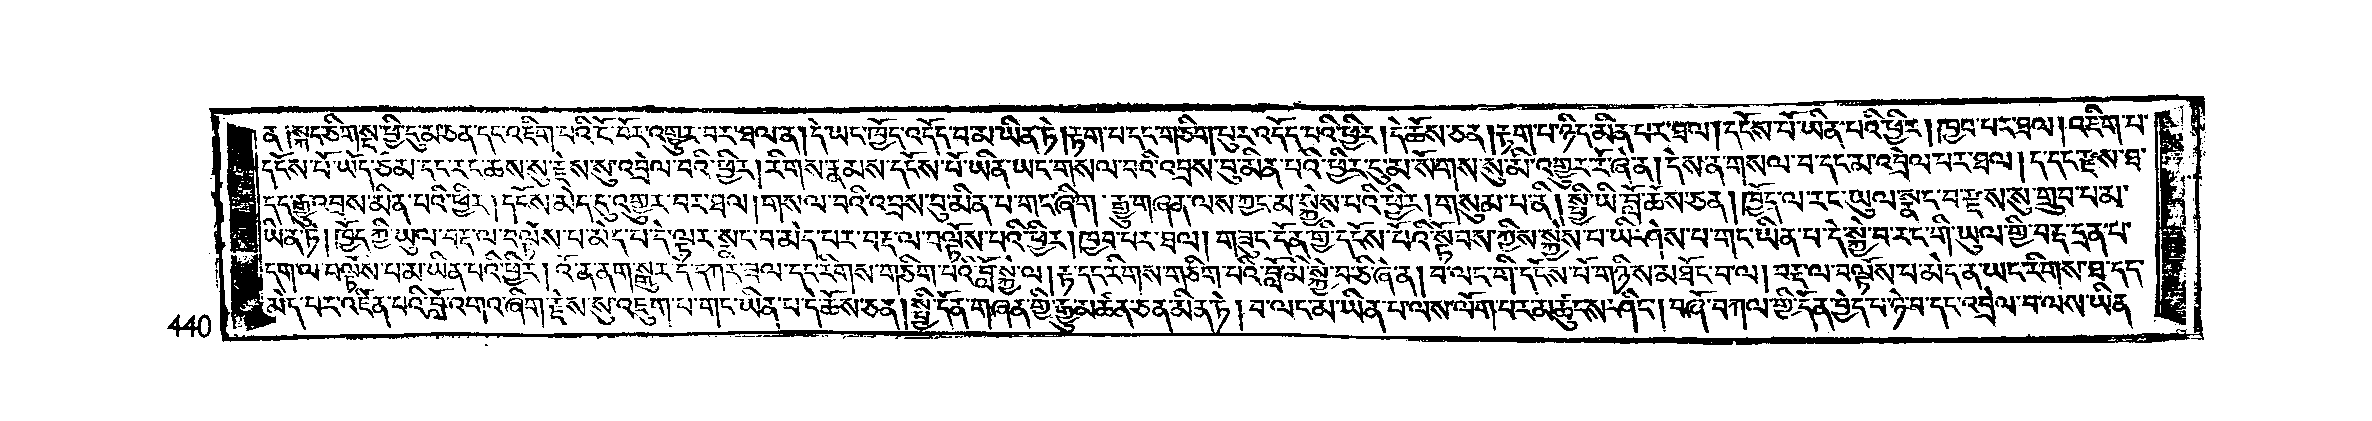ན་།སྐད་ཅིག་སྔ་ཕྱི་དུ་མ་ཅན་དང་འཇིག་པའི་ངོ་བོར་འགྱུར་བར་ཐལ་ན། དེ་ཡང་ཁྱོད་འདོད་པ་མ་ཡིན་ཏེ། རྟག་པ་དང་གཅིག་པུར་འདོད་པའི་ཕྱིར། དེ་ཆོས་ཅན། རྟག་པ་ཉིད་མིན་པར་ཐལ། དངོས་པོ་ཡིན་པའི་ཕྱིར། ཁྱབ་པར་ཐལ། འཇིག་པ་
དངོས་པོ་ཡོད་ཙམ་དང་རང་ཆོས་སུ་རྗེས་སུ་འབྲེལ་བའི་ཕྱིར། རིགས་རྣམས་དངོས་པོ་ཡིན་ཡང་གསལ་བའི་འབྲས་བུ་མིན་པའི་ཕྱིར་དུ་མ་སོགས་སུ་མི་འགྱུར་རོ་ཞེ་ན། དེས་ན་གསལ་བ་དང་མ་འབྲེལ་པར་ཐལ། དེ་དང་རྫས་ཐ་
དད་རྒྱུ་འབྲས་མིན་པའི་ཕྱིར། དངོས་མེད་དུ་འགྱུར་བར་ཐལ། གསལ་བའི་འབྲས་བུ་མིན་པ་གང་ཞིག་རྒྱུ་གཞན་ལས་ཀྱང་མ་སྐྱེས་པའི་ཕྱིར། གསུམ་པ་ནི། སྤྱི་ཡི་བློ་ཆོས་ཅན། ཁྱོད་ལ་རང་ཡུལ་སྣང་བ་རྫས་སུ་གྲུབ་པ་མ་
ཡིན་ཏེ། ཁྱོད་ཀྱི་ཡུལ་བརྡ་ལ་བལྟོས་པ་མེད་པ་དེ་ལྟར་སྣང་བ་མེད་པར་བརྡ་ལ་བལྟོས་པའི་ཕྱིར། ཁྱབ་པར་ཐལ། གཟུང་དོན་གྱི་དངོས་པོའི་སྟོབས་ཀྱིས་སྐྱེས་པ་ཡི་ཤེས་པ་གང་ཡིན་པ་དེ་སྐྱེ་བ་རང་གི་ཡུལ་གྱི་བརྡ་དྲན་པ་
དག་ལ་བལྟོས་པ་མ་ཡིན་པའི་ཕྱིར། འོ་ན་ནག་སྒུར་དེ་དཀར་ཟལ་དང་རིགས་གཅིག་པའི་བློ་སྐྱེ་ལ། རྟ་དང་རིགས་གཅིག་པའི་བློ་མི་སྐྱེ་བ་ཅི་ཞེ་ན། བ་ལང་གི་དངོས་པོ་གཉིས་མཐོང་བ་ལ། བརྡ་ལ་བལྟོས་པ་མེད་ན་ཡང་རིགས་ཐ་དད་
མེད་པར་འཛིན་པའི་བློ་འགའ་ཞིག་རྗེས་སུ་འཇུག་པ་གང་ཡིན་པ་དེ་ཆོས་ཅན། སྤྱི་དོན་གཞན་གྱི་རྒྱུ་མཚན་ཅན་མིན་ཏེ། བ་ལང་མ་ཡིན་པ་ལས་ལོག་པར་མཚུངས་ཤིང་། བཞོ་བཀལ་གྱི་དོན་བྱེད་པ་ཉེ་བ་དང་འབྲེལ་བ་ལས་ཡིན་